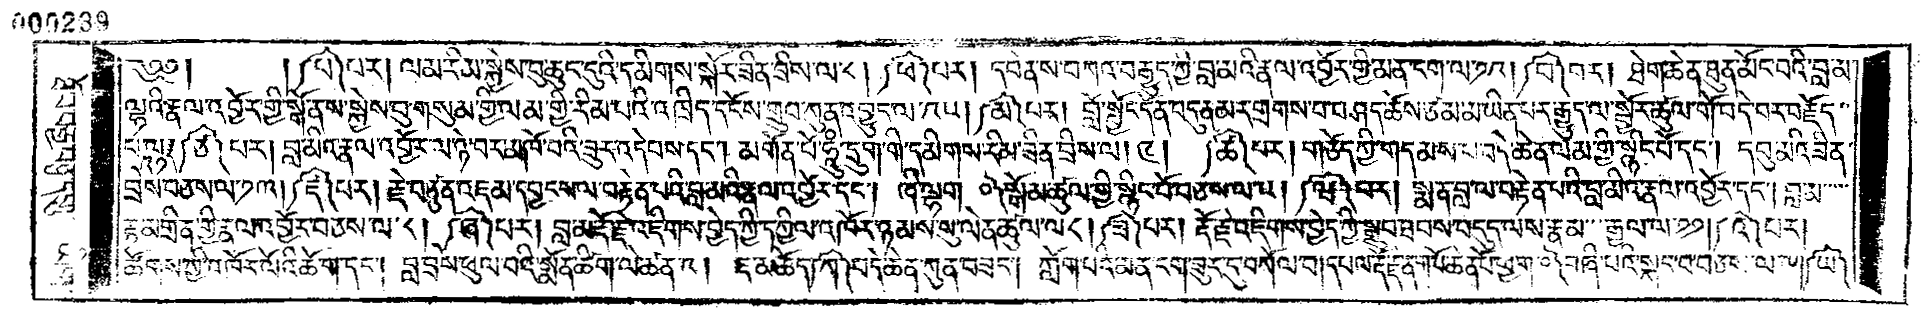༄༅། །༼པ༽ པར། ལམ་རིམ་སྐྱེས་བུ་ཆུང་དུའི་དམིགས་སྐོར་ཟིན་བྲིས་ལ ༨། ༼ཕ༽ པར། དབེན་ས་བཀའ་བརྒྱུད་ཀྱི་བླ་མའི་རྣལ་འབྱོར་གྱི་མན་ངག་ལ ༡༢། ༼བ༽ བར། ཐེག་ཆེན་ཐུན་མོང་བའི་བླ་མ་
ལྷའི་རྣལ་འབྱོར་གྱི་སྒོ་ནས་སྐྱེས་བུ་གསུམ་གྱི་ལམ་གྱི་རིམ་པའི་འཁྲིད་དངོས་གྲུབ་ཀུན་འབྱུང་ལ ༢༥། ༼མ༽ པར། བློ་སྦྱོང་དོན་བདུན་མར་གྲགས་པ་བཤད་ཆོས་ཙམ་མ་ཡིན་པར་རྒྱུད་ལ་སྦྱོར་ཚུལ་གོ་བདེ་བར་བརྗོད་
པ་ལ༑ ༼ཙ༽ པར། བླ་མའི་རྣལ་འབྱོར་ལ་ཉེ་བར་མཁོ་བའི་ཟུར་འདེབས་དང་། མགོན་པོ་ཧཱུཾ་དྲུག་གི་དམིགས་རིམ་ཟིན་བྲིས་ལ། ༩། ༼ཚ༽ པར། གཅོད་ཀྱི་གདམས་པ་བདེ་ཆེན་ལམ་གྱི་སྙིང་པོ་དང་། དབུ་མའི་ཟིན་
བྲེས་བཅས་ལ ༡༣། ༼ཛ༽ པར། རྗེ་བཙུན་འཇམ་དབྱངས་ལ་བརྟེན་པའི་བླ་མའི་རྣལ་འབྱོར་དང་། ཞི་ལྷག་྾༼་སྒོམ་ཚུལ་གྱི་སྙིང་པོ་བཅས་ལ ༥། ༽ཝ་བར། སྨན་བླ་ལ་བརྟེན་པའི་བླ་མའི་རྣལ་འབྱོར་དང་། བླ་མ་
རྟ་མགྲིན་གྱི་རྣལ་འབྱོར་བཅས་ལ ༨། ༼ཞ༽ པར། བླ་མ་རྡོ་རྗེ་འཇིགས་བྱེད་ཀྱི་དཀྱིལ་འཁོར་ཉམས་སུ་ལེན་ཚུལ་ལ ༨། ༼ཟ༽ པར། རྡོ་རྗེ་འཇིགས་བྱེད་ཀྱི་སྒྲུབ་ཐབས་བདུད་ལས་རྣམ་རྒྱལ་ལ ༡༡། ༼འ༽ པར།
ཚོགས་ཀྱི་འཁོར་ལོའི་ཆོ་ག་དང་། བླ་བྲེས་ཕུལ་བའི་སྨོན་ཚིག་ལེ་ཚན ༢། ཇ་མཆོད ༼ཀ༽ བདེ་ཆེན་ཀུན་བཟང་། ཀློག་པའི་མན་ངག་ཟུར་དུ་བཀོལ་བ། དཔལ་རྡོ་རྗེ་ནག་པོ་ཆེན་པོ་ཕྱག་྾༼་བཞི་པའི་སྐང་བ་བཅས་ལ ༧། ༽ཡ